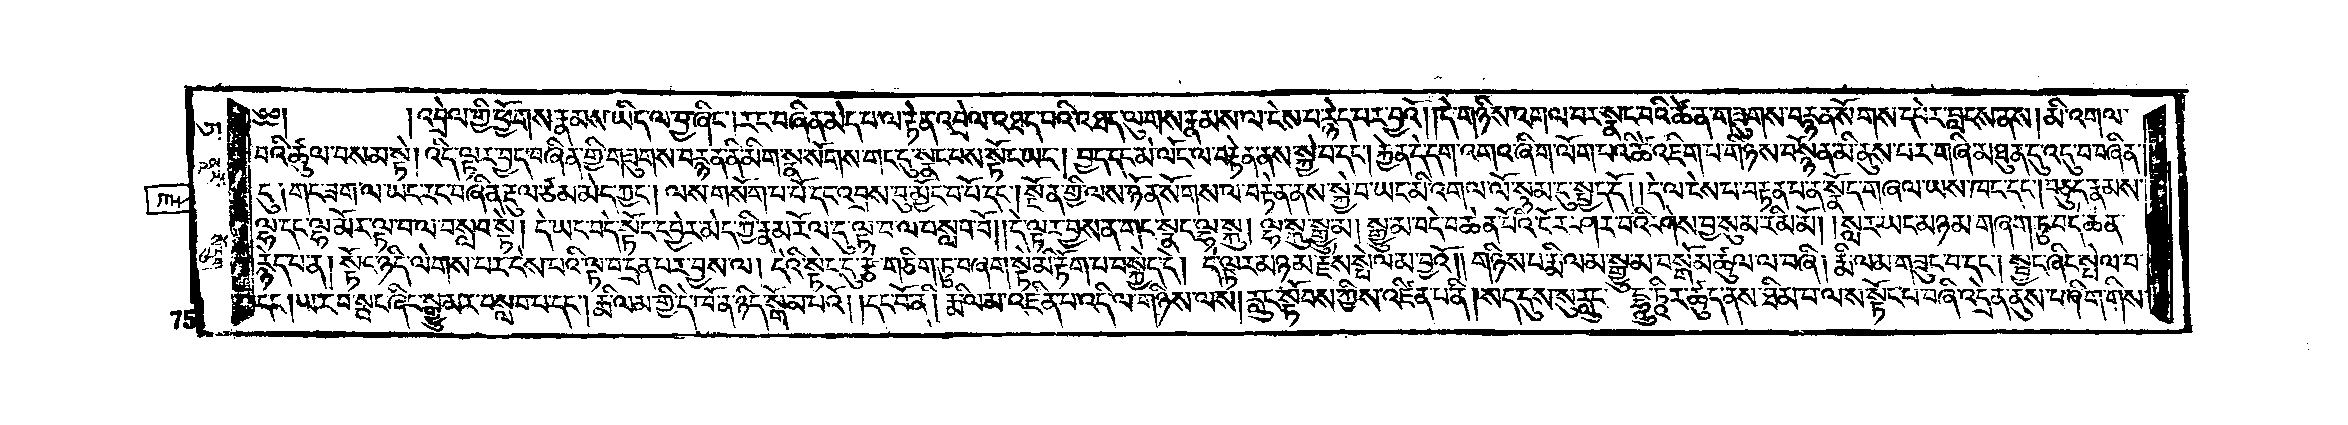༄༅། །འབྲེལ་གྱི་ཕྱོགས་རྣམས་ཡིད་ལ་བྱ་ཞིང་། རང་བཞིན་མེད་པ་ལ་རྟེན་འབྲེལ་འཐད་པའི་འཐད་ལུགས་རྣམས་ལ་ངེས་པ་རྙེད་པར་བྱའོ། །དེ་གཉིས་འགལ་བར་སྣང་བའི་ཚེ་ན་གཟུགས་བརྙན་སོགས་དཔེར་བླངས་ནས། མི་འགལ་
བའི་ཚུལ་བསམ་སྟེ། འདི་ལྟར་བྱད་བཞིན་གྱི་གཟུགས་བརྙན་ནི་མིག་སྣ་སོགས་གང་དུ་སྣང་བས་སྟོང་ཡང་། བྱད་དང་མེ་ལོང་ལ་བརྟེན་ནས་སྐྱེ་བ་དང་། རྐྱེན་དེ་དག་འགའ་ཞིག་ལོག་པའི་ཚེ་འཇིག་པ་གཉིས་བསྙོན་མི་ནུས་པར་གཞི་མཐུན་དུ་འདུ་བ་བཞིན་
དུ། གང་ཟག་ལ་ཡང་རང་བཞིན་རྡུལ་ཙམ་མེད་ཀྱང་། ལས་གསོག་པ་པོ་དང་འབྲས་བུ་མྱོང་བ་པོ་དང་། སྔོན་གྱི་ལས་ཉོན་སོགས་ལ་བརྟེན་ནས་སྐྱེ་བ་ཡང་མི་འགལ་ལོ་སྙམ་དུ་སྤྱད་དོ། །དེ་ལ་ངེས་པ་བརྟན་པ་ན་སྣོད་གཞལ་ཡས་ཁང་དང་། བཅུད་རྣམས་
ལྷ་དང་ལྷ་མོར་ལྟ་བ་ལ་བསླབ་སྟེ། དེ་ཡང་བདེ་སྟོང་དབྱེར་མེད་ཀྱི་རྣམ་རོལ་དུ་ལྟ་བ་ལ་བསླབ་བོ། །དེ་ལྟར་བྱས་ན་གང་སྣང་ལྷ་སྐུ། ལྷ་སྐུ་སྒྱུ་མ། སྒྱུ་མ་བདེ་བ་ཆེན་པོའི་ངོར་ཤར་བའི་ཤེས་བྱ་སུམ་རིམ་མོ། །སླར་ཡང་མཉམ་གཞག་ཏུ་བདེ་ཆེན་
རྙེད་པ་ན། སྟོང་ཉིད་ལེགས་པར་ངེས་པའི་ལྟ་བ་དྲན་པར་བྱས་ལ། དེའི་སྟེང་དུ་རྩེ་གཅིག་ཏུ་བཞག་སྟེ་མི་རྟོག་པ་བསྐྱེད་དེ། དེ་ལྟར་མཉམ་རྗེས་སྤེལ་མ་བྱའོ། །གཉིས་པ་རྨི་ལམ་སྒྱུ་མ་བསྒོམ་ཚུལ་ལ་བཞི། རྨི་ལམ་གཟུང་བ་དང་། སྦྱང་ཞིང་སྤེལ་བ་
དང་། ཡར་བ་སྤང་ཞིང་སྒྱུ་མར་བསླབ་པ་དང་། རྨི་ལམ་གྱི་དེ་ཁོ་ན་ཉིད་སྒོམ་པའོ། །དང་པོ་ནི། རྨི་ལམ་འཛིན་པ་འདི་ལ་གཉིས་ལས། རླུང་སྟོབས་ཀྱིས་འཛིན་པ་ནི། སད་དུས་སུ་རླུང་དྷཱུ་ཏཱིར་ཚུད་ནས་ཐིམ་པ་ལས་སྟོང་པ་བཞི་འདྲེན་ནུས་པ་ཞིག་གིས་